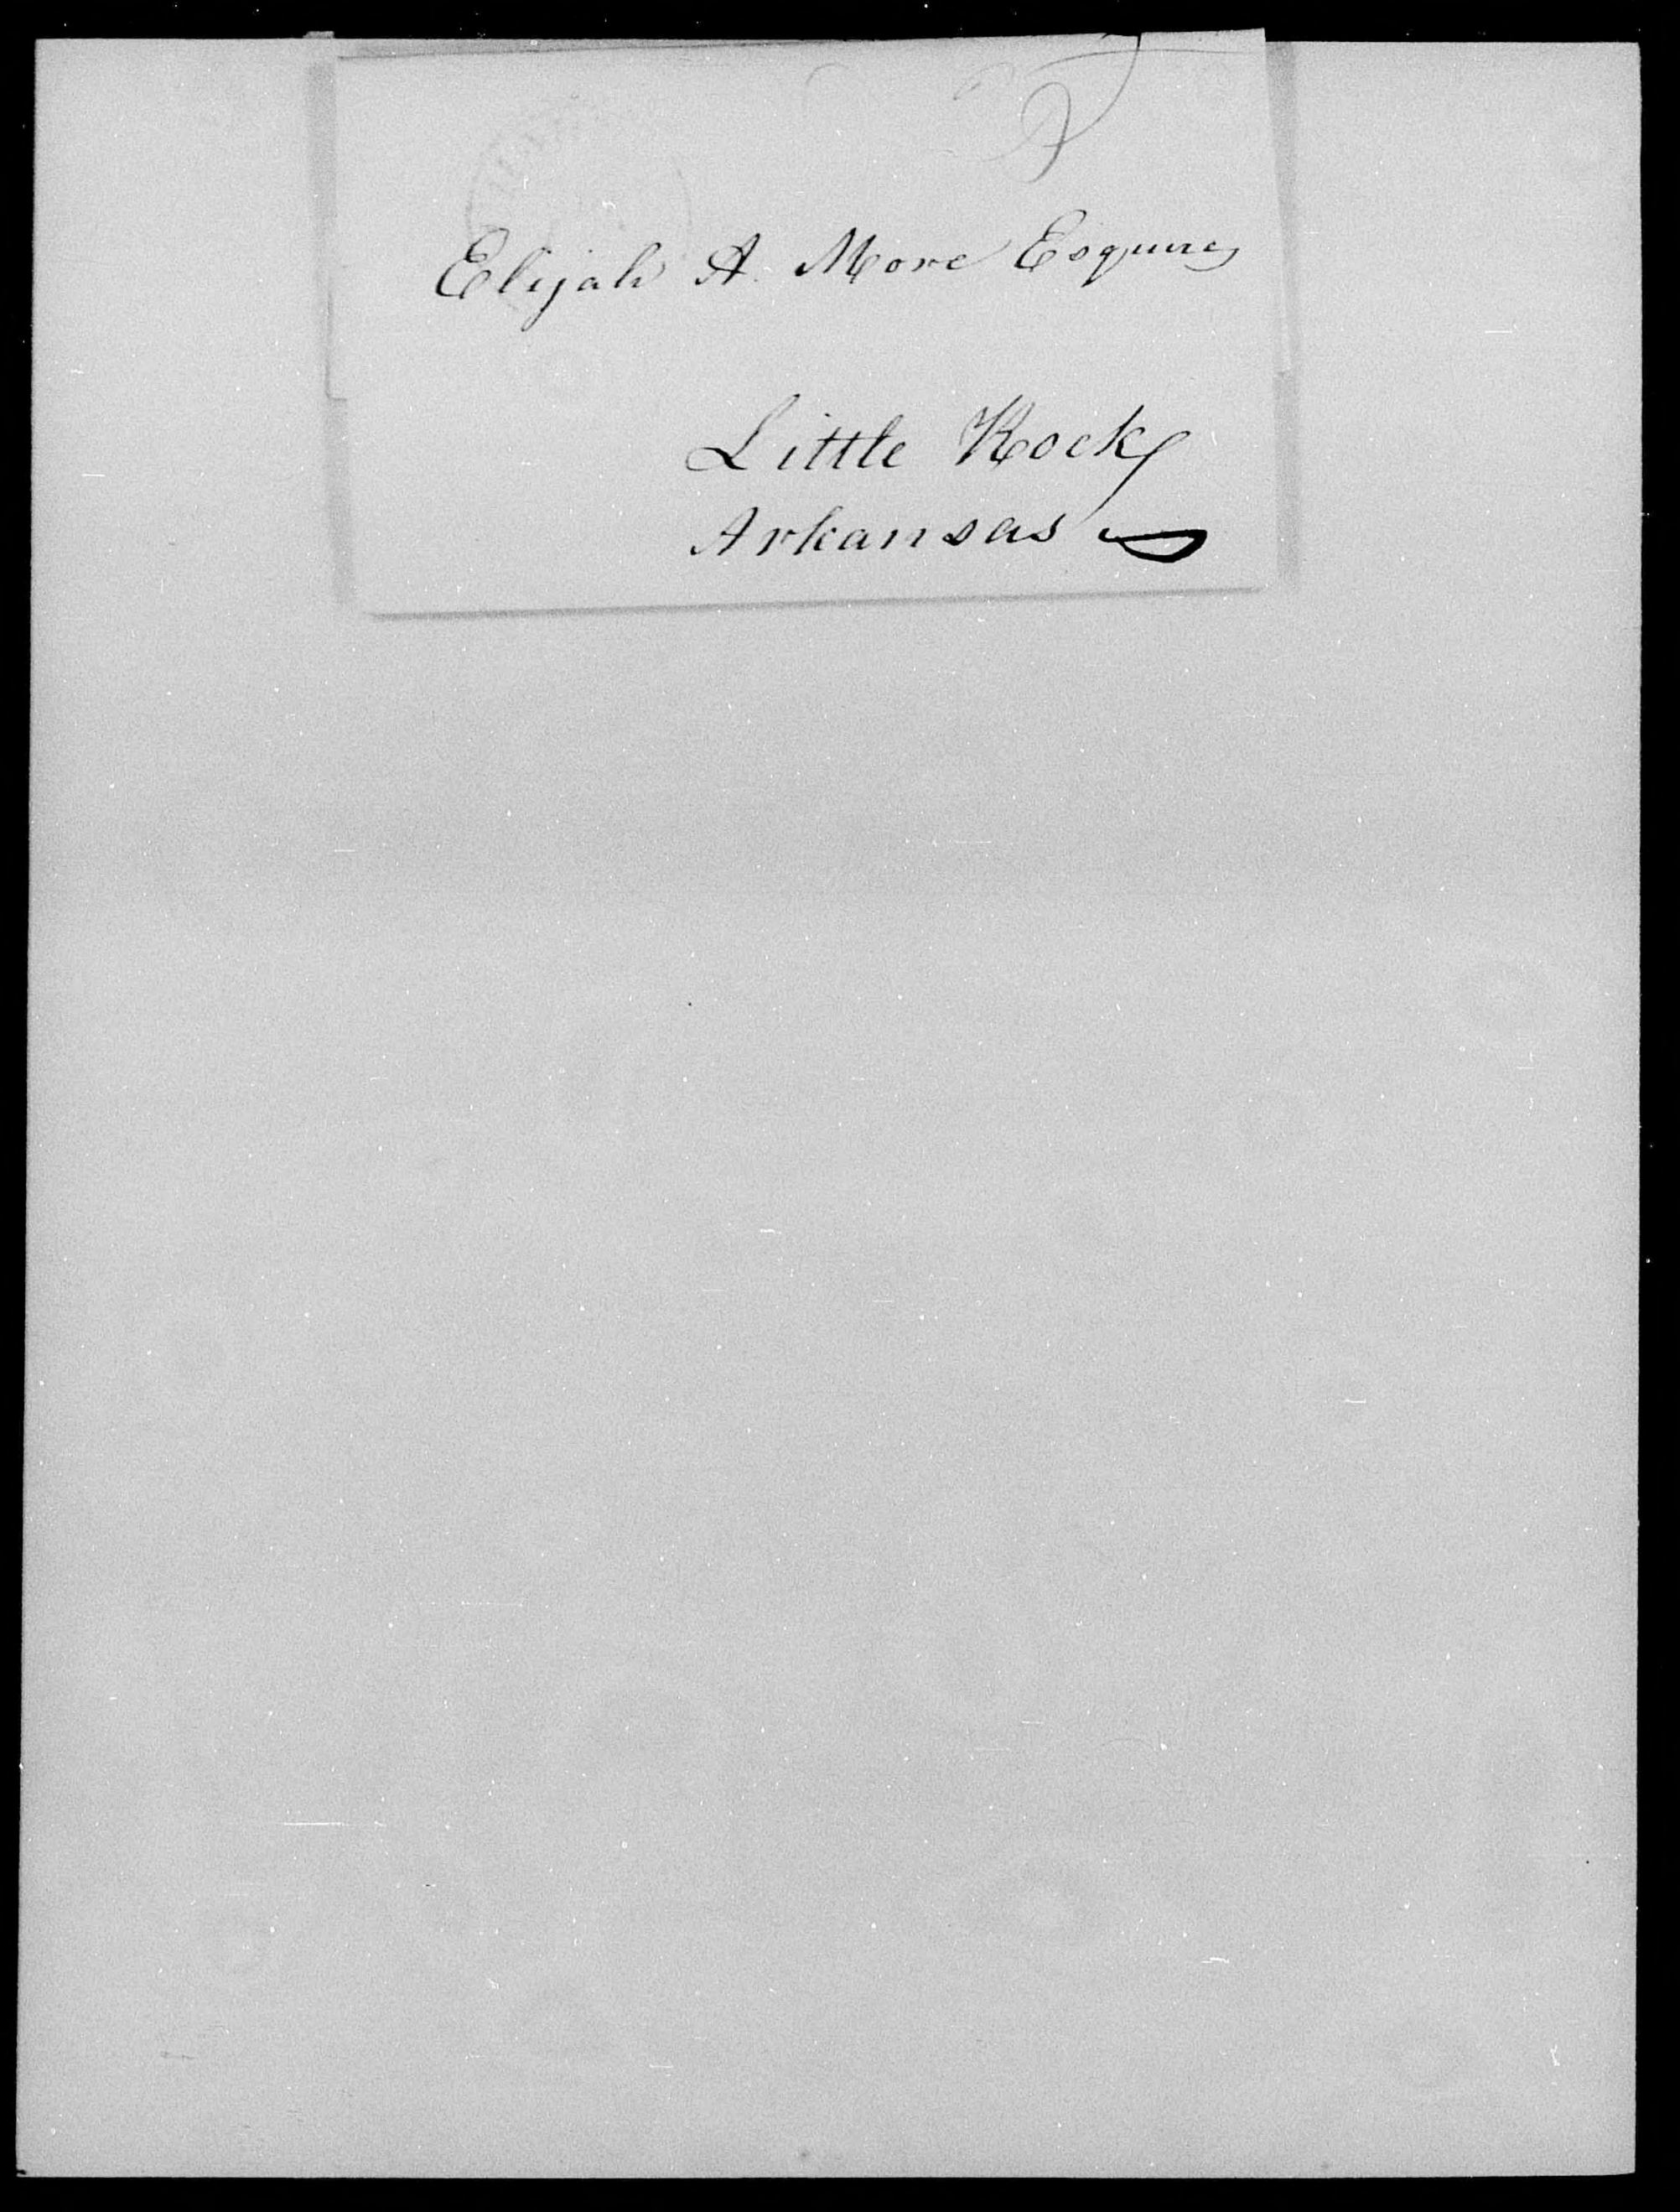Elijah A. Moore Esquire
Little Rock,
Arkansas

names: Elijah A More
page: 25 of 28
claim: rejected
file: R. 7846, for Benjamin Owens, South Carolina